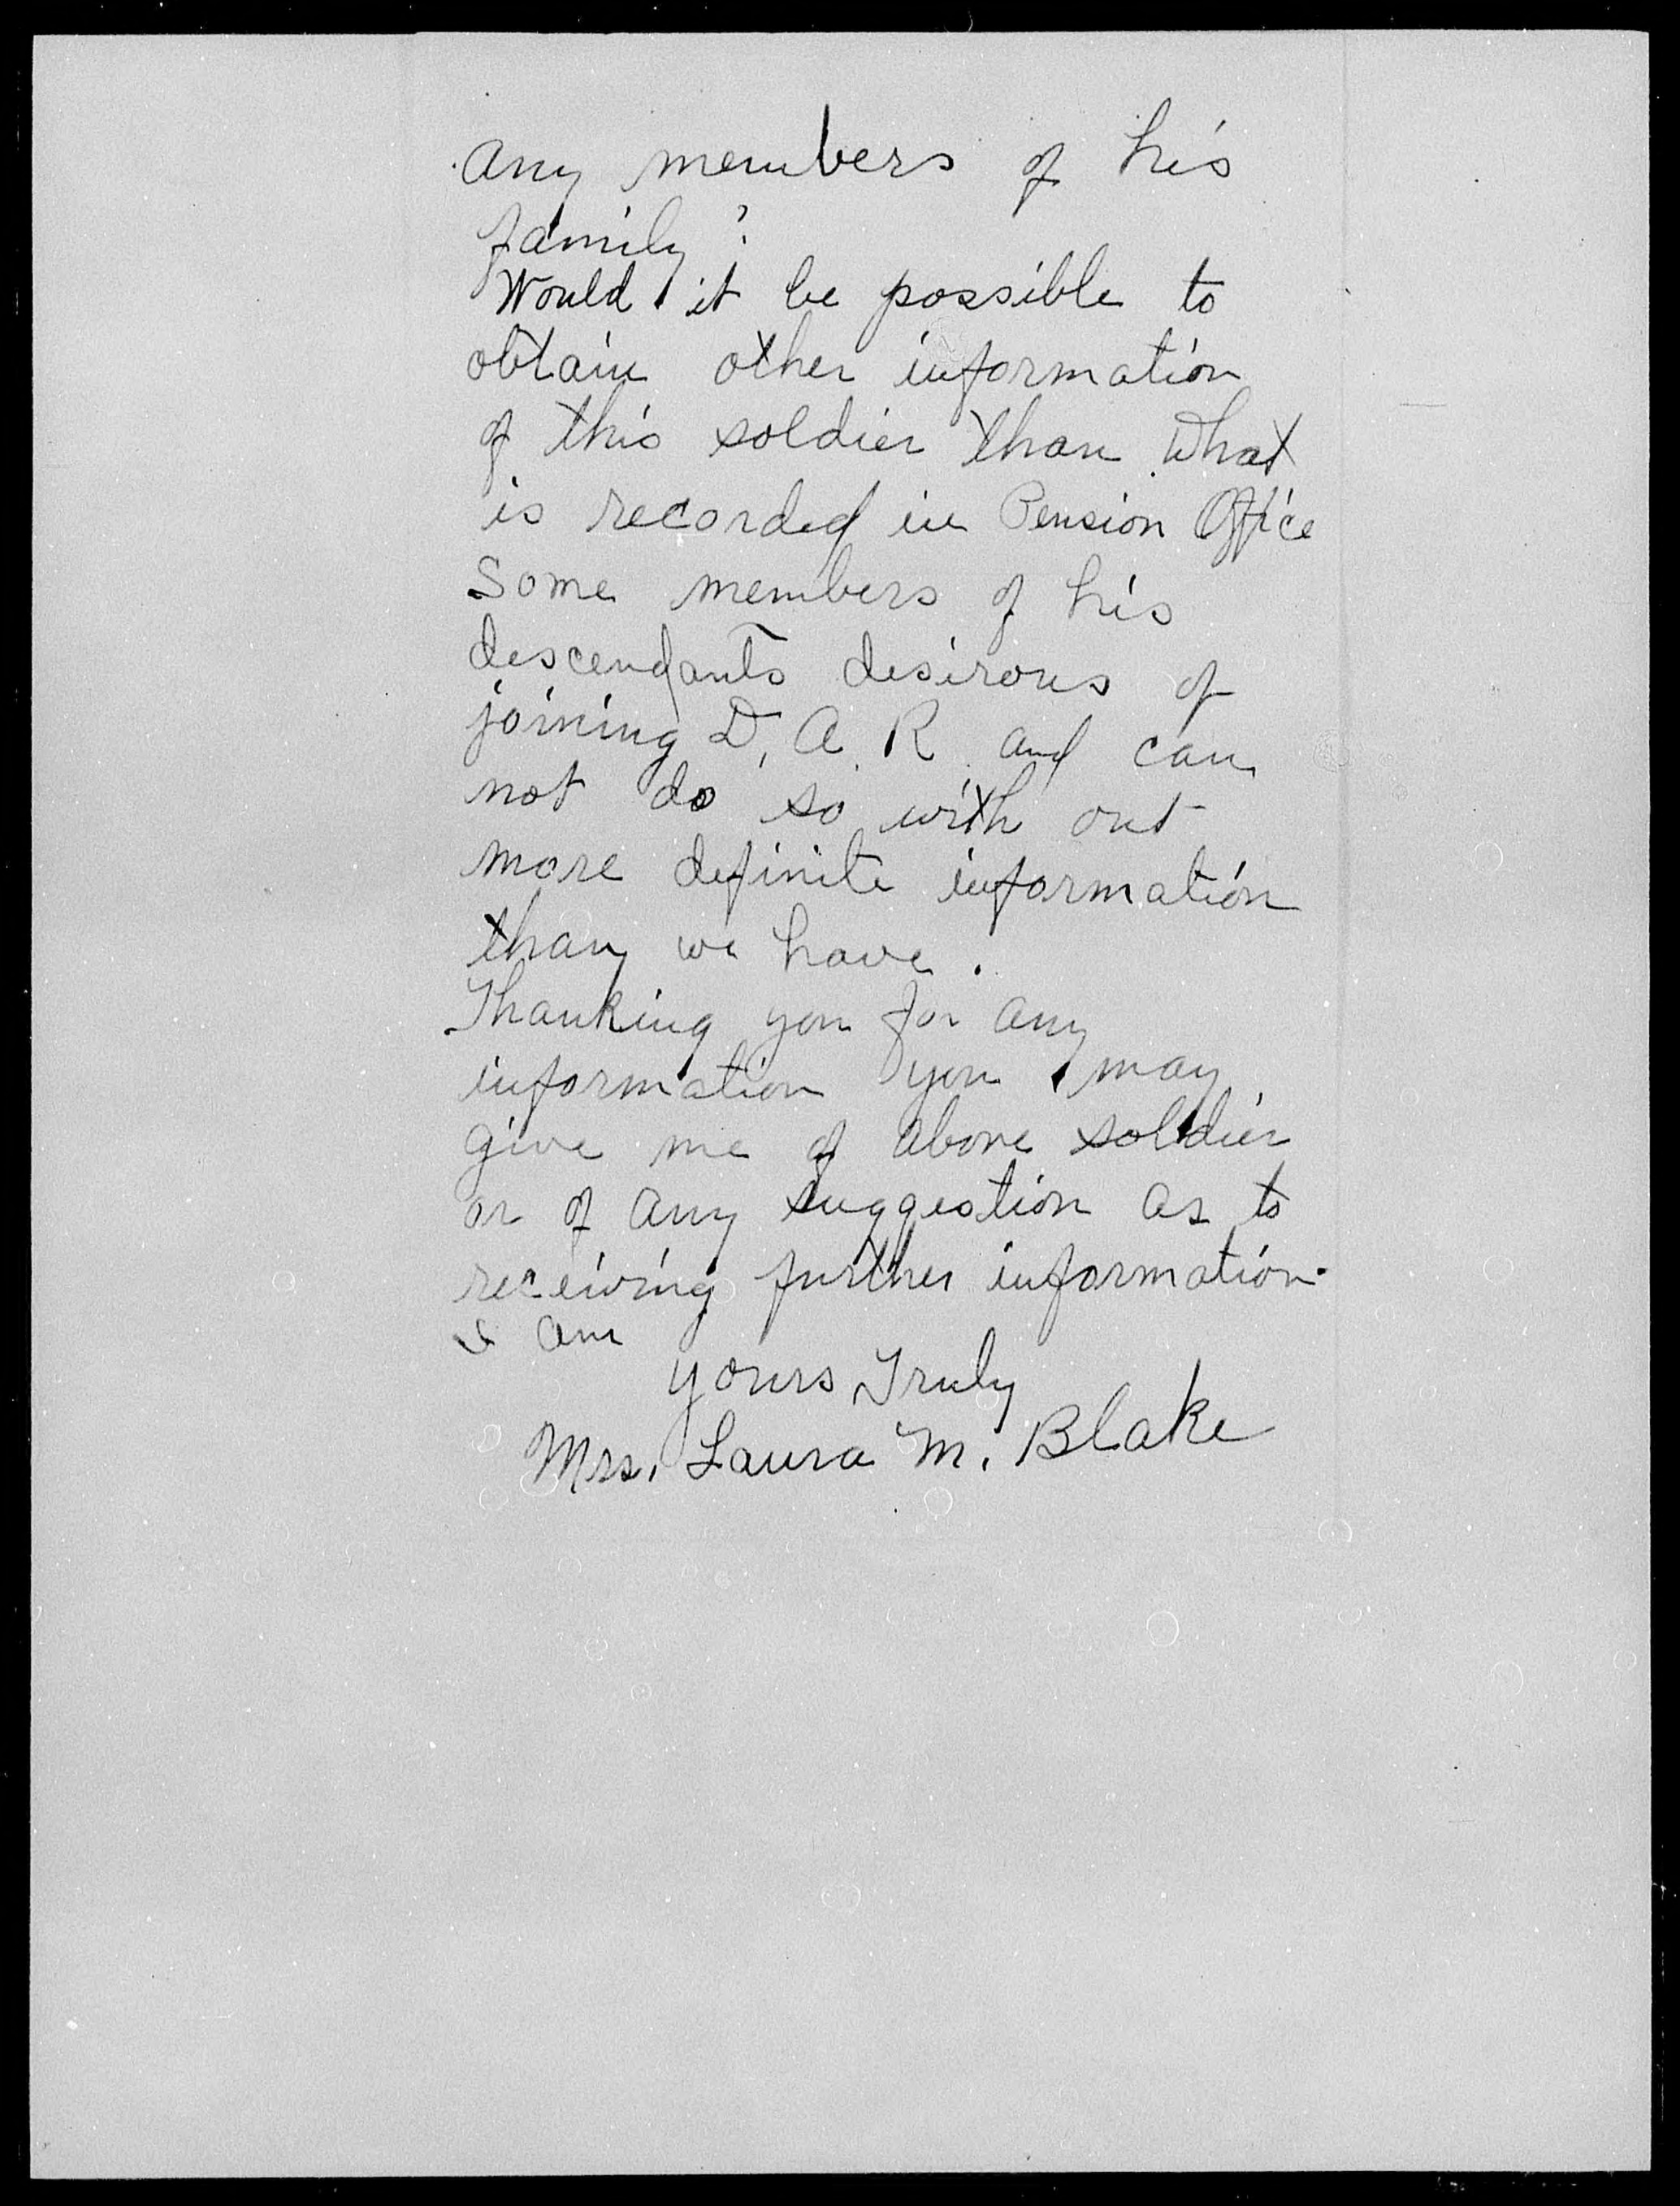any members of his family?
Would it be possible to obtain other information of this soldier than what is recorded in Pension Office
Some members of his descendants desirous of joining DAR and can not do so without more definite information than we have.
Thanking you for any information you may give me of above soldier or of any suggestions as to receiving further information.

I am 

yours truly

Mrs. Laura M. Blake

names: Laura M Blake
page: 12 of 33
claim: survivor's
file: S. 19367, for John Kincaid, Virginia